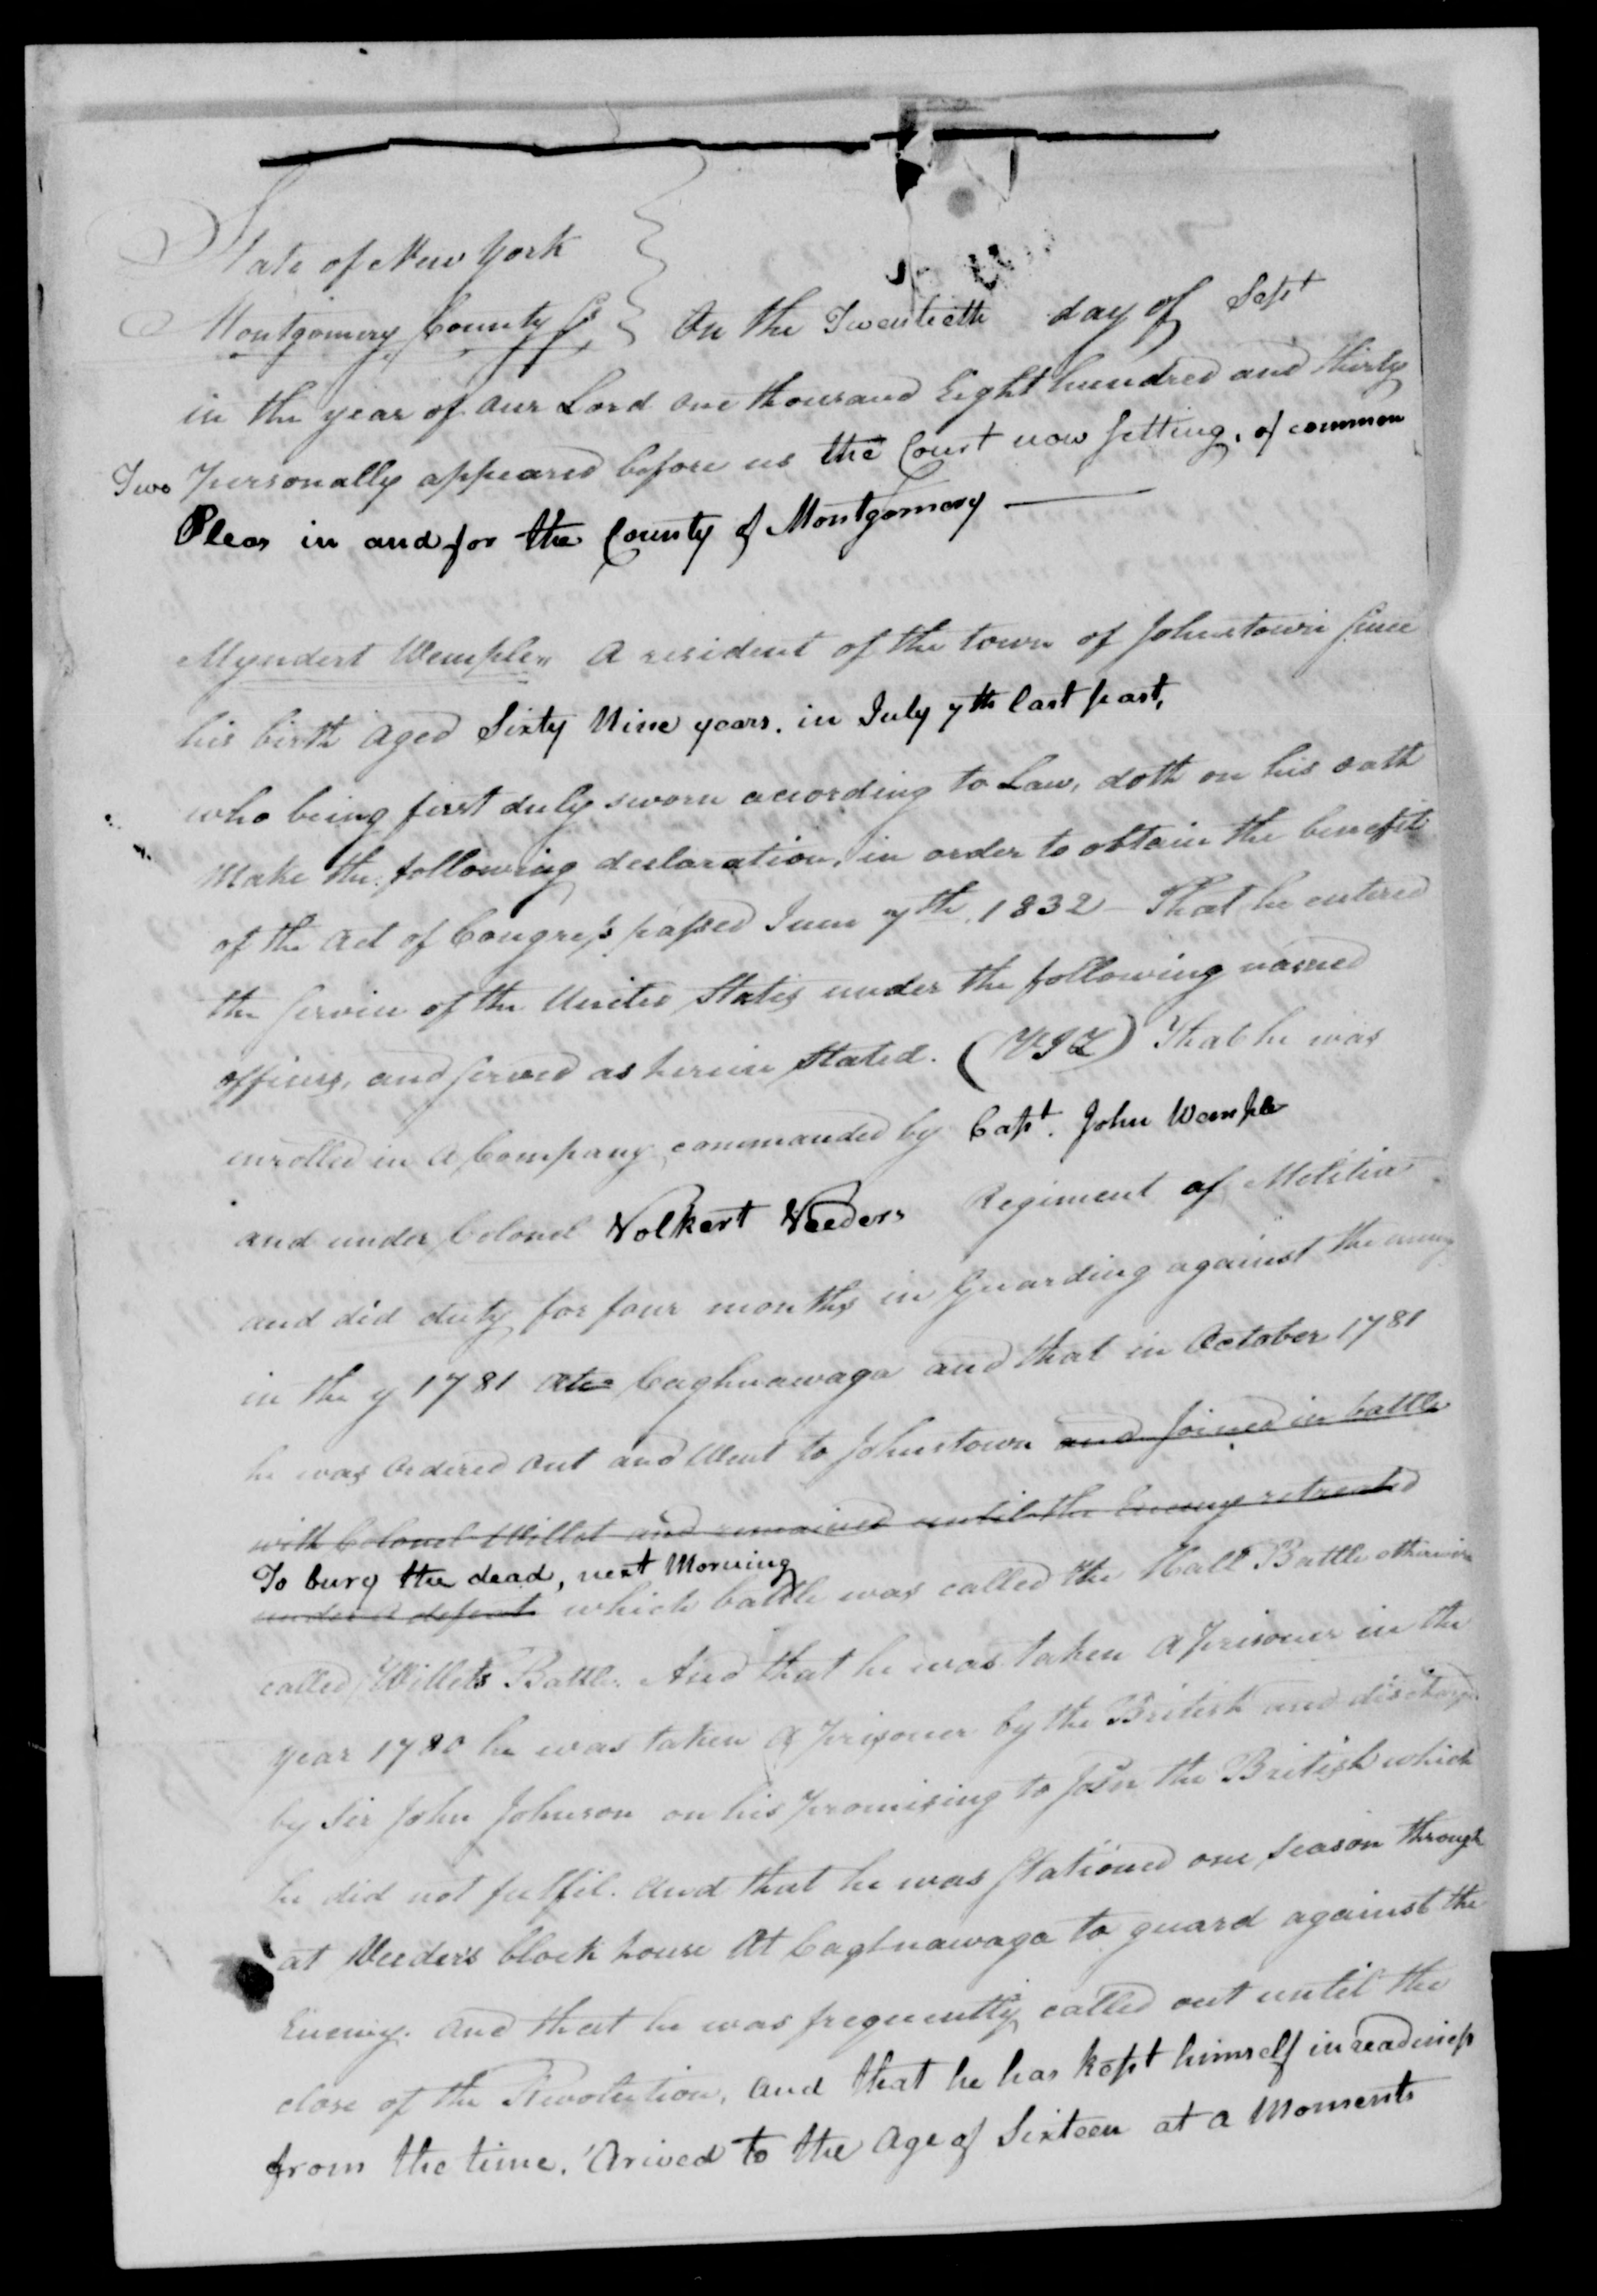State of New York}
Montgomery County  ss} On the Twentieth day of 
Sept in the year of our Lord one thousand Eight hundred and thirty 
Two personally appeared before us the Court now sitting, of common
Pleas in and for the County of Montgomery--

Myndert Wemple a resident of the town of Johnstown since his
birth aged Sixty nine years in July 7th last past,
who being first duly sworn according to Law, doth on his oath
make the following declaration, in order to obtain the benefit
of the act of Congress passed June 7th 1832. That he entered
the service of the United States under the following named
officers, and served as herein stated. (McJG) that he was
enrolled in a Company commanded by Capt. John Wemple and
under Colonel Volkert Veeder,
Regiment of Militia
and did duty for four months in guarding against the enemy
in the y(year?) 1781 at Caghnawaga(Caughnawaga) and that in October 1781
he was ordered out and went to Johnstown ( and joined in battle
with Colonel Willet and remained until the Enemy retreated under a defeat)  To bury the dead, next Morning  which battle was 
called the Hall Battle otherwise called Willets Battle.
And that he was taken a prisoner in the
year 1780 he was taken a prisoner by the British and discharge
by Sir John Johnson on his promising to join the British which
he did not fulfil. and that he was stationed one Season through
at Veeder's block house at Caghnawaga(Caughnawaga) to guard against the 
Enemy, and that he was frequently called out until the
close of the Revolution, and that he has kept himself in readiness
from the time arived to the age of Sixteen at a moments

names: John Johnson, John Wemple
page: 7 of 51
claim: widow's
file: W. 19604, Myndert B Wemple, New York